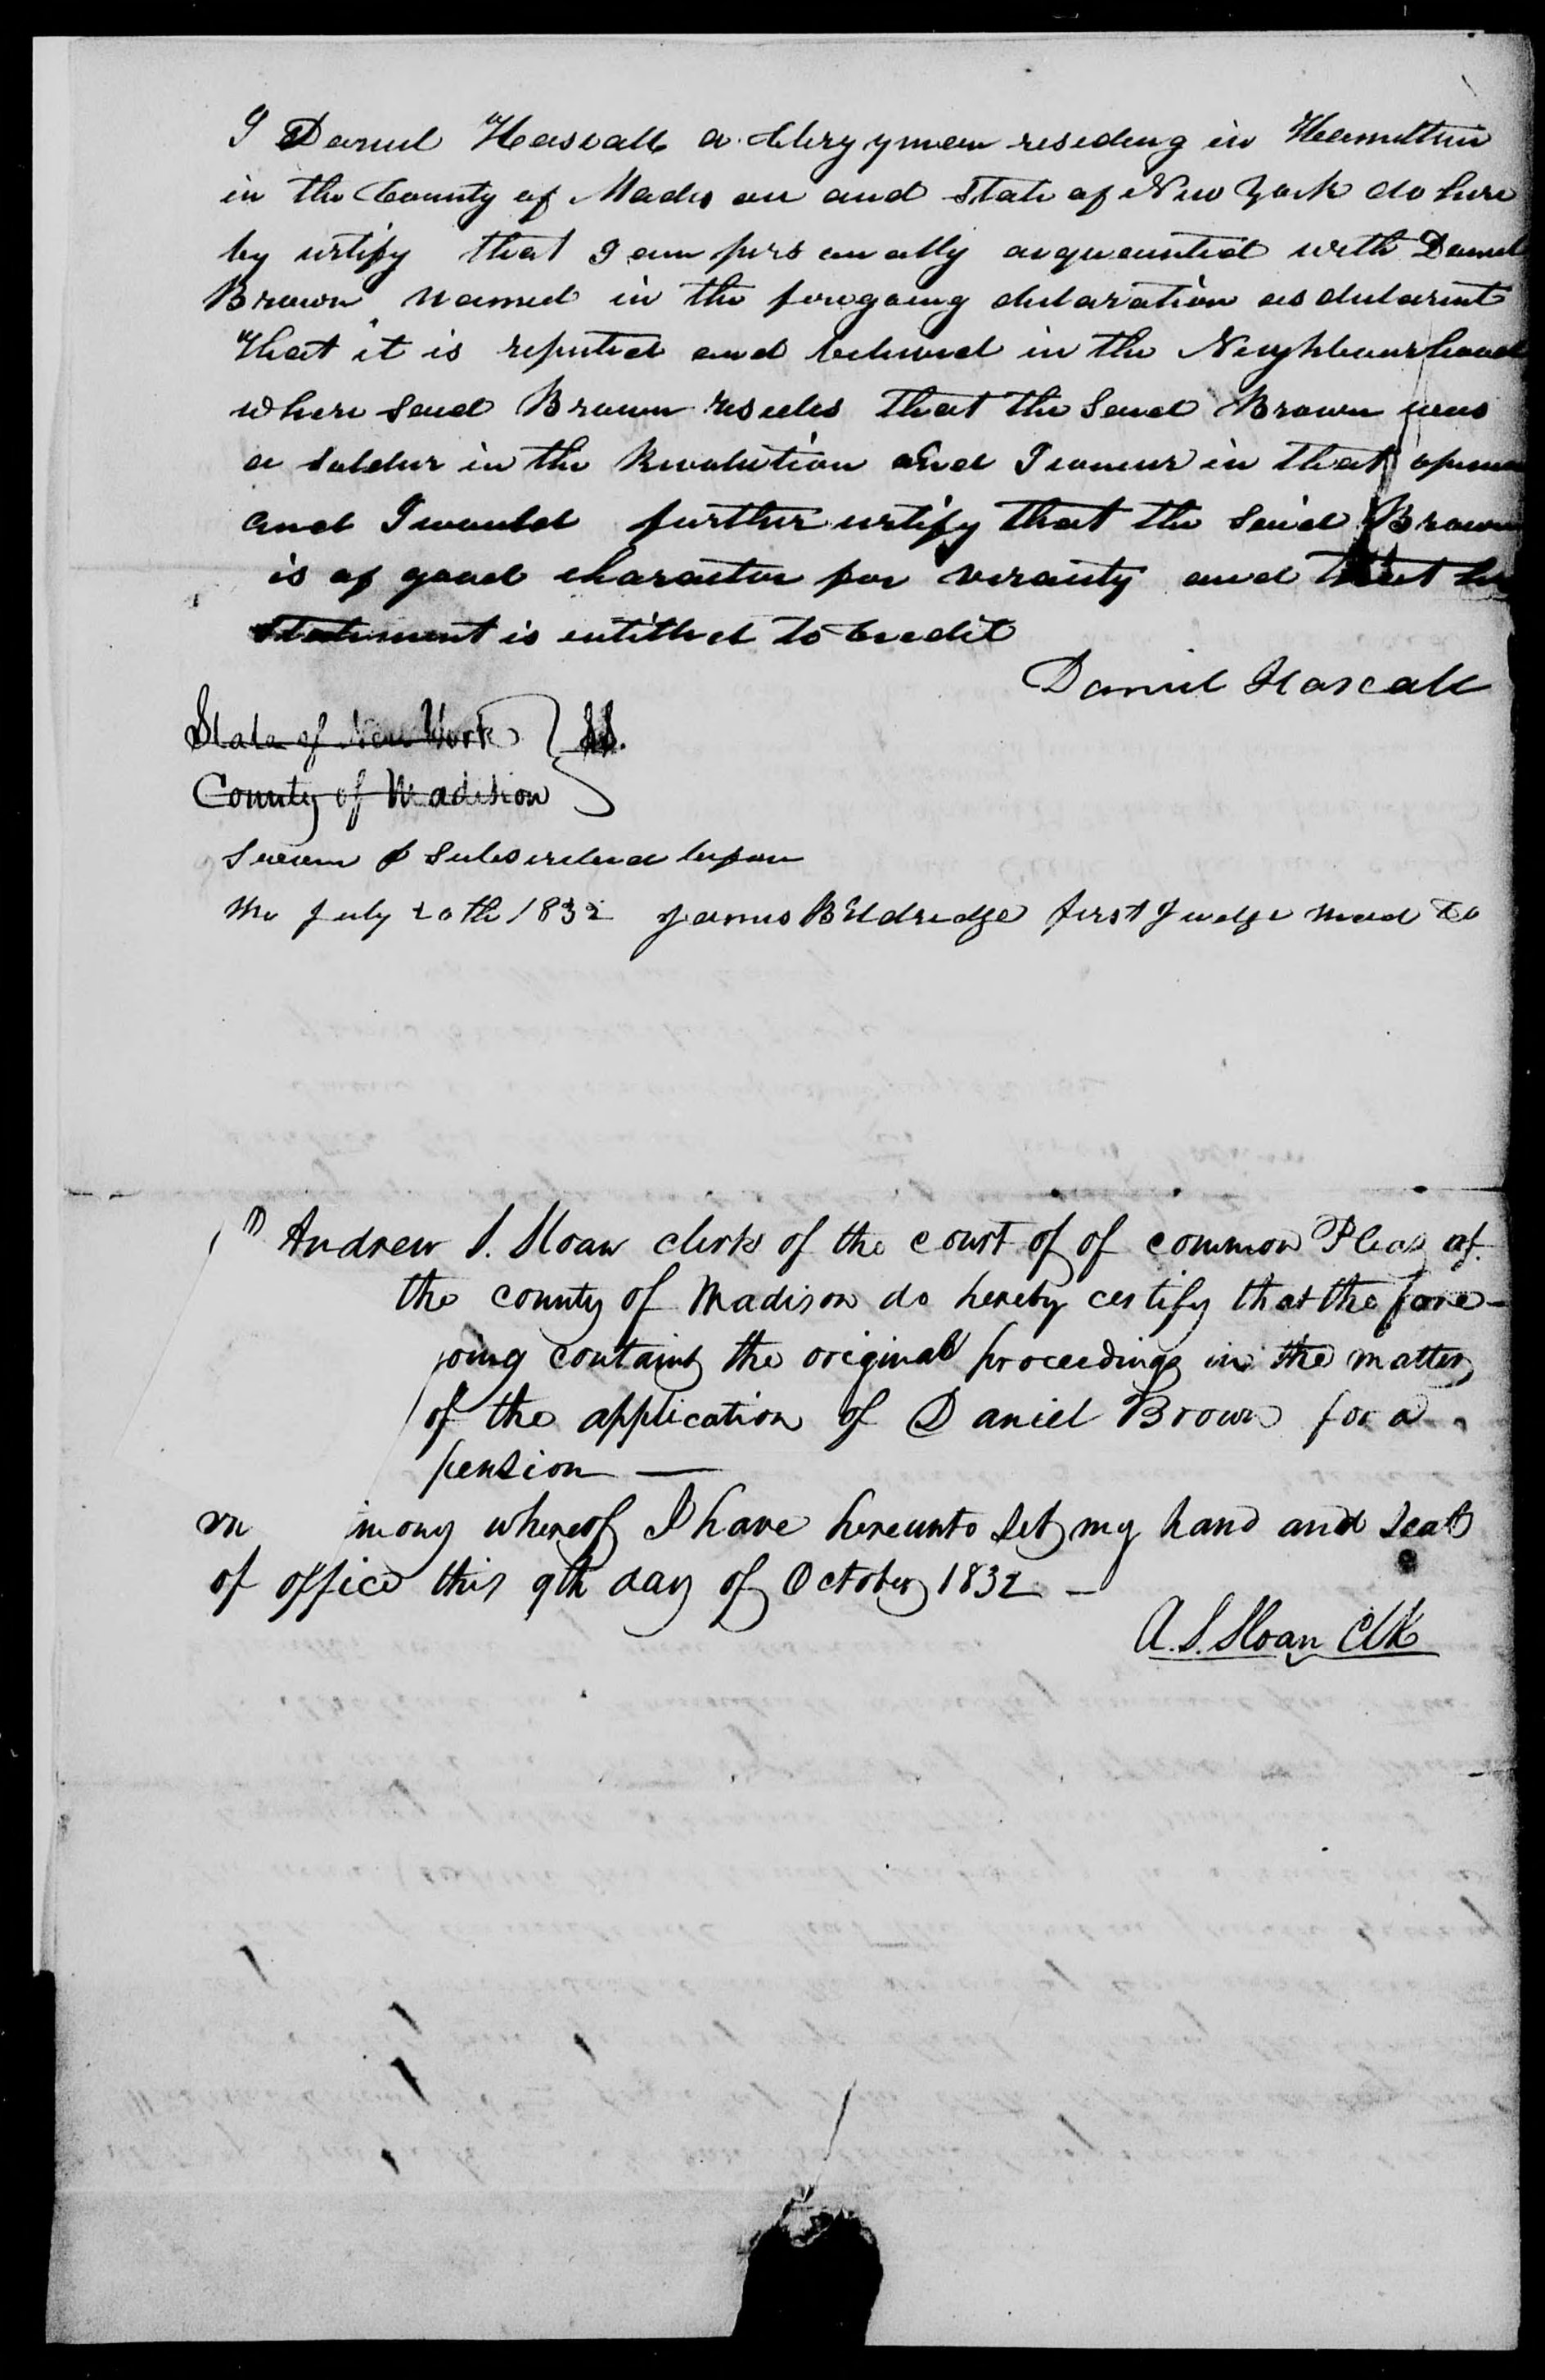I Daniel Hascall a clergyman residing in Hamilton (?) in the county of Madison and state of New York do hereby certify that I am personally acquainted with Daniel Brown named in this foregoing declaration as declarant.
What it is reputed and believed in the [illegible] where said Brown resides that this said Brown was a soldier in the Revolution & was [illegible] in that [illegible] and I would further certify that this said Brown is of good character for veracity and that his statement is entitled to be belief.
Daniel Hascall

Sworn & xxx before me
the July 10th 1832
James B Eldredge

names: Daniel Brown, Brown, Andrew S Sloan, Daniel Hascall, James B Eldredge, A S Sloan, Daniel Hascall, Brown, Daniel Brown, Brown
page: 8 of 37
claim: widow's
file: W. 20,787, Daniel Brown, Conn. Navy.